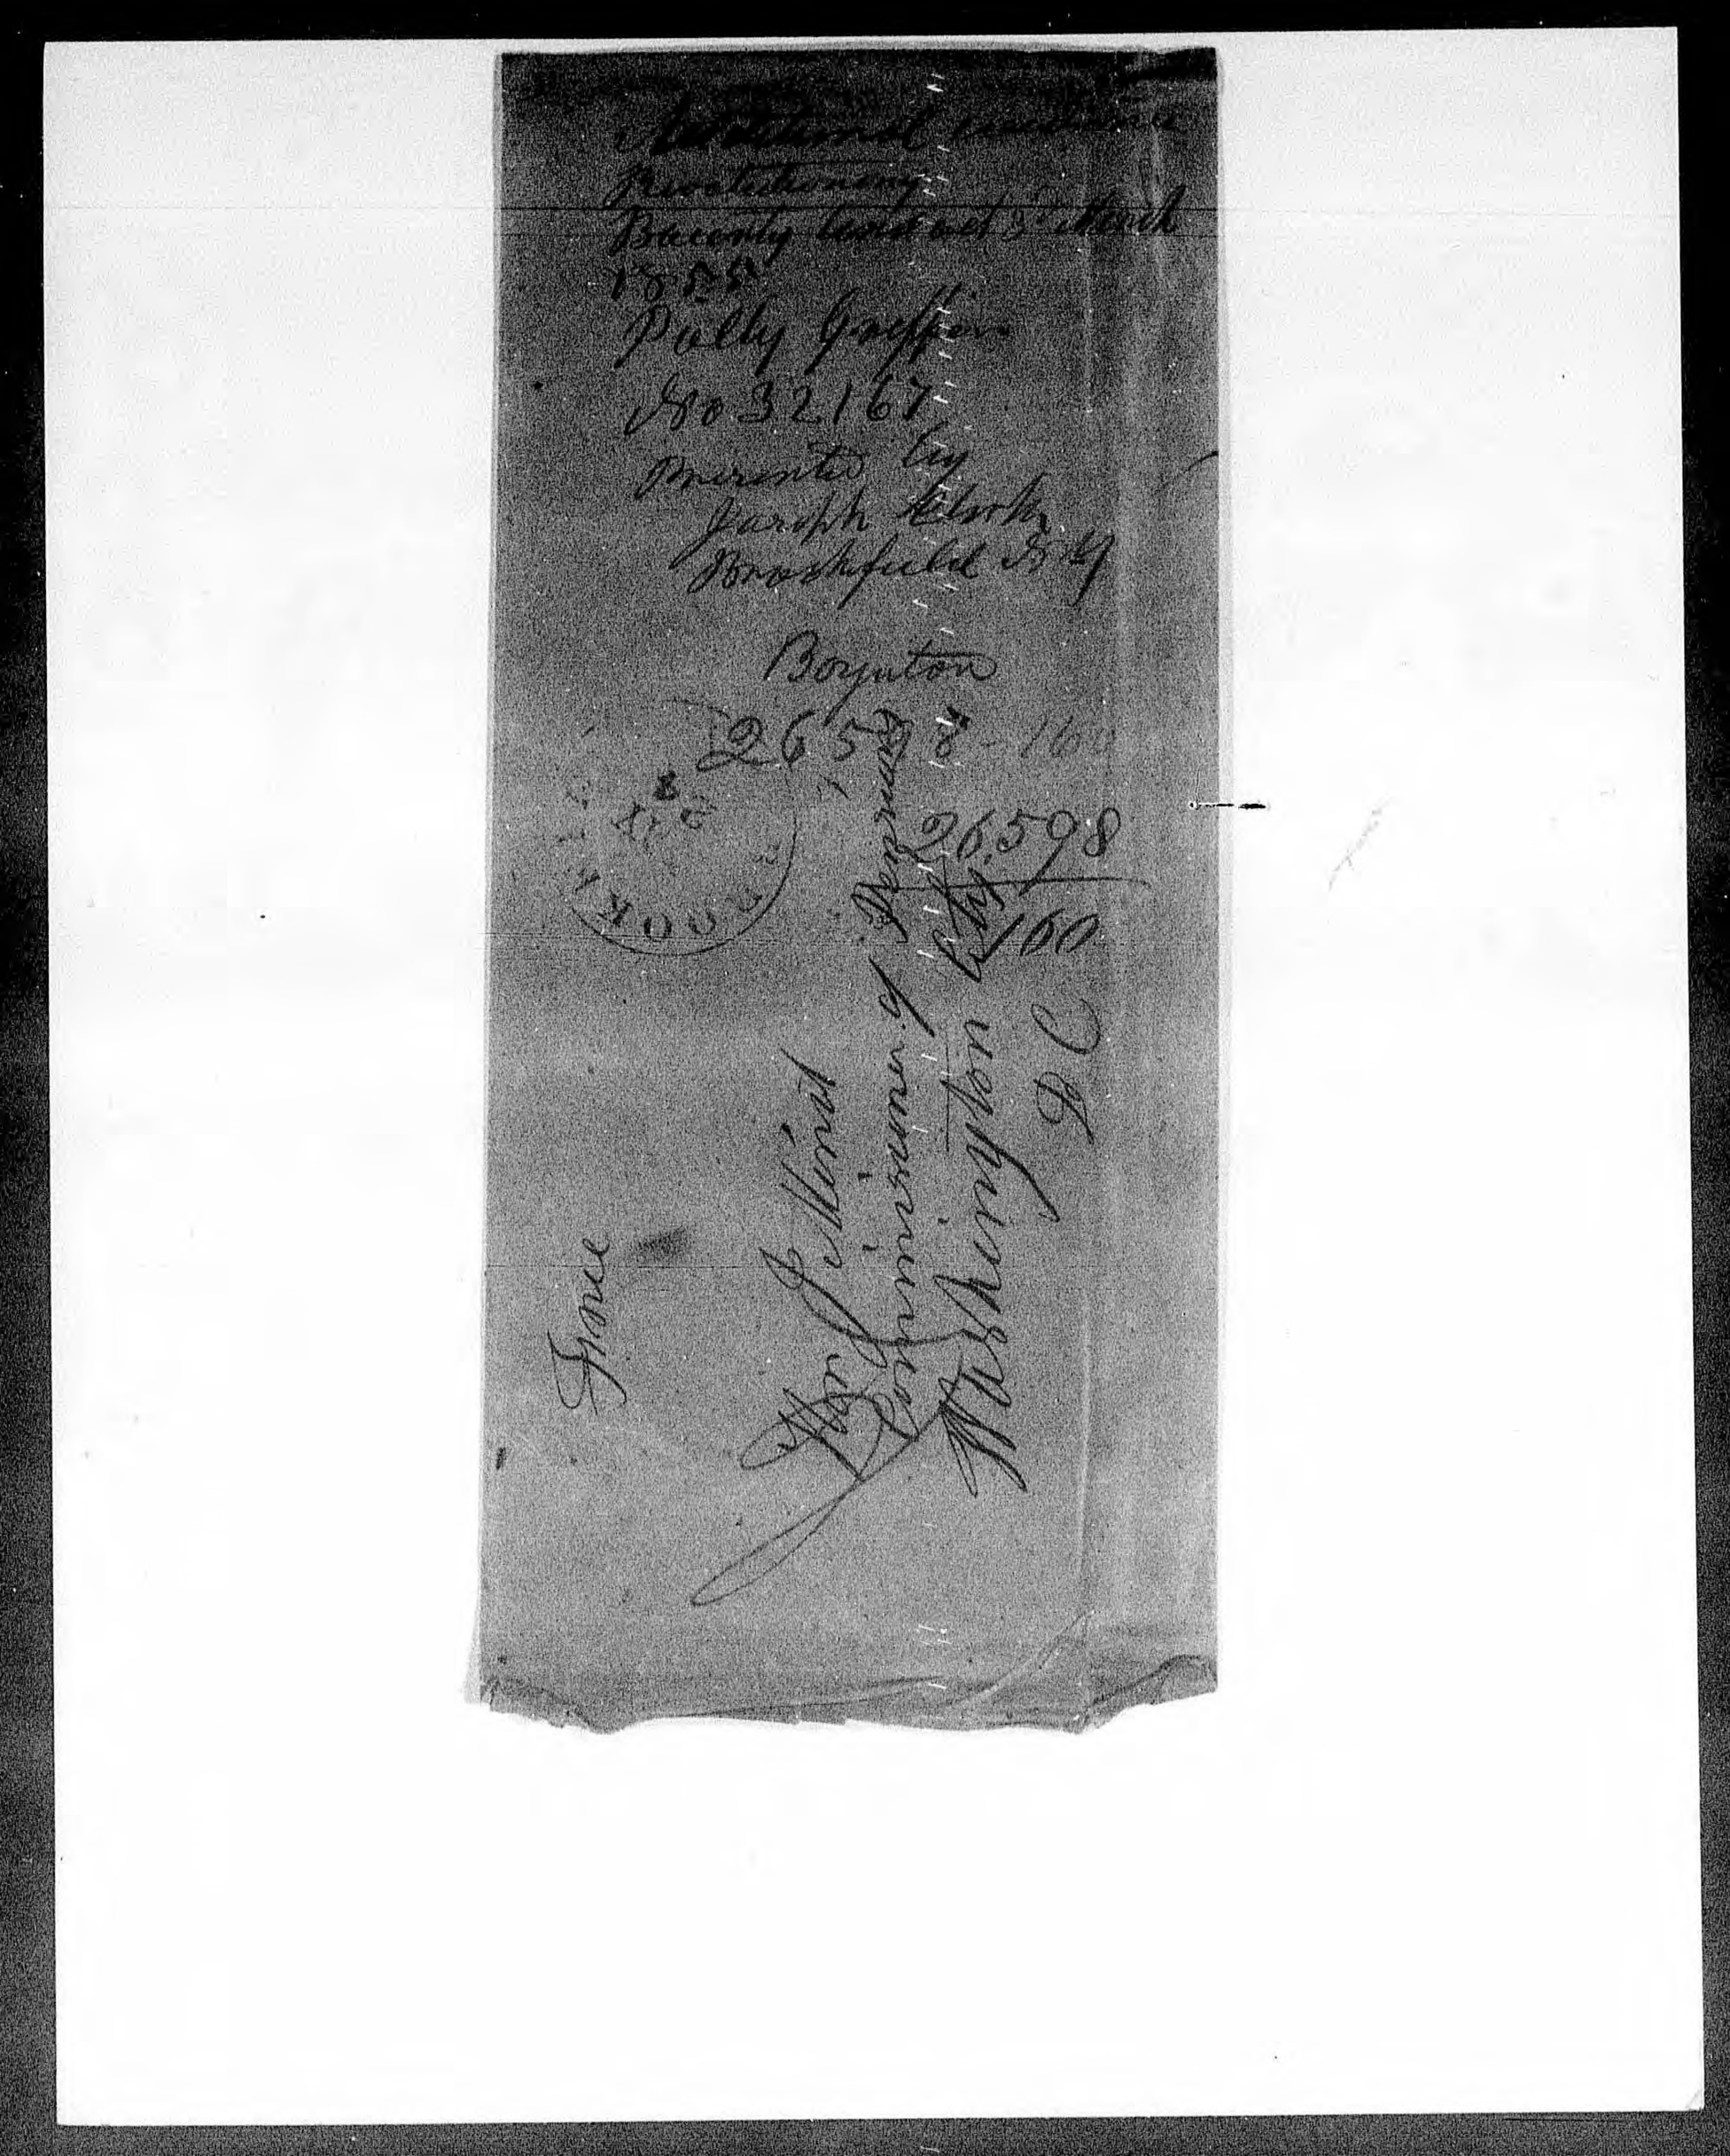Additional [illegible]
Revolutionary
Bounty Land act 3d March 1855
Polly Griffin
No 32167
Presented by
Joseph Clark
Brookfield N.Y.
Boynton
26598-160
26.598/160

Free
Hon. J. Minot
Commissioner of Pensions
Washington City DC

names: Joseph Clork, Boynton, Polly Griffin, J Minot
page: 48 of 60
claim: widow's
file: W. 19,537, Thomas Griffin, Conn.